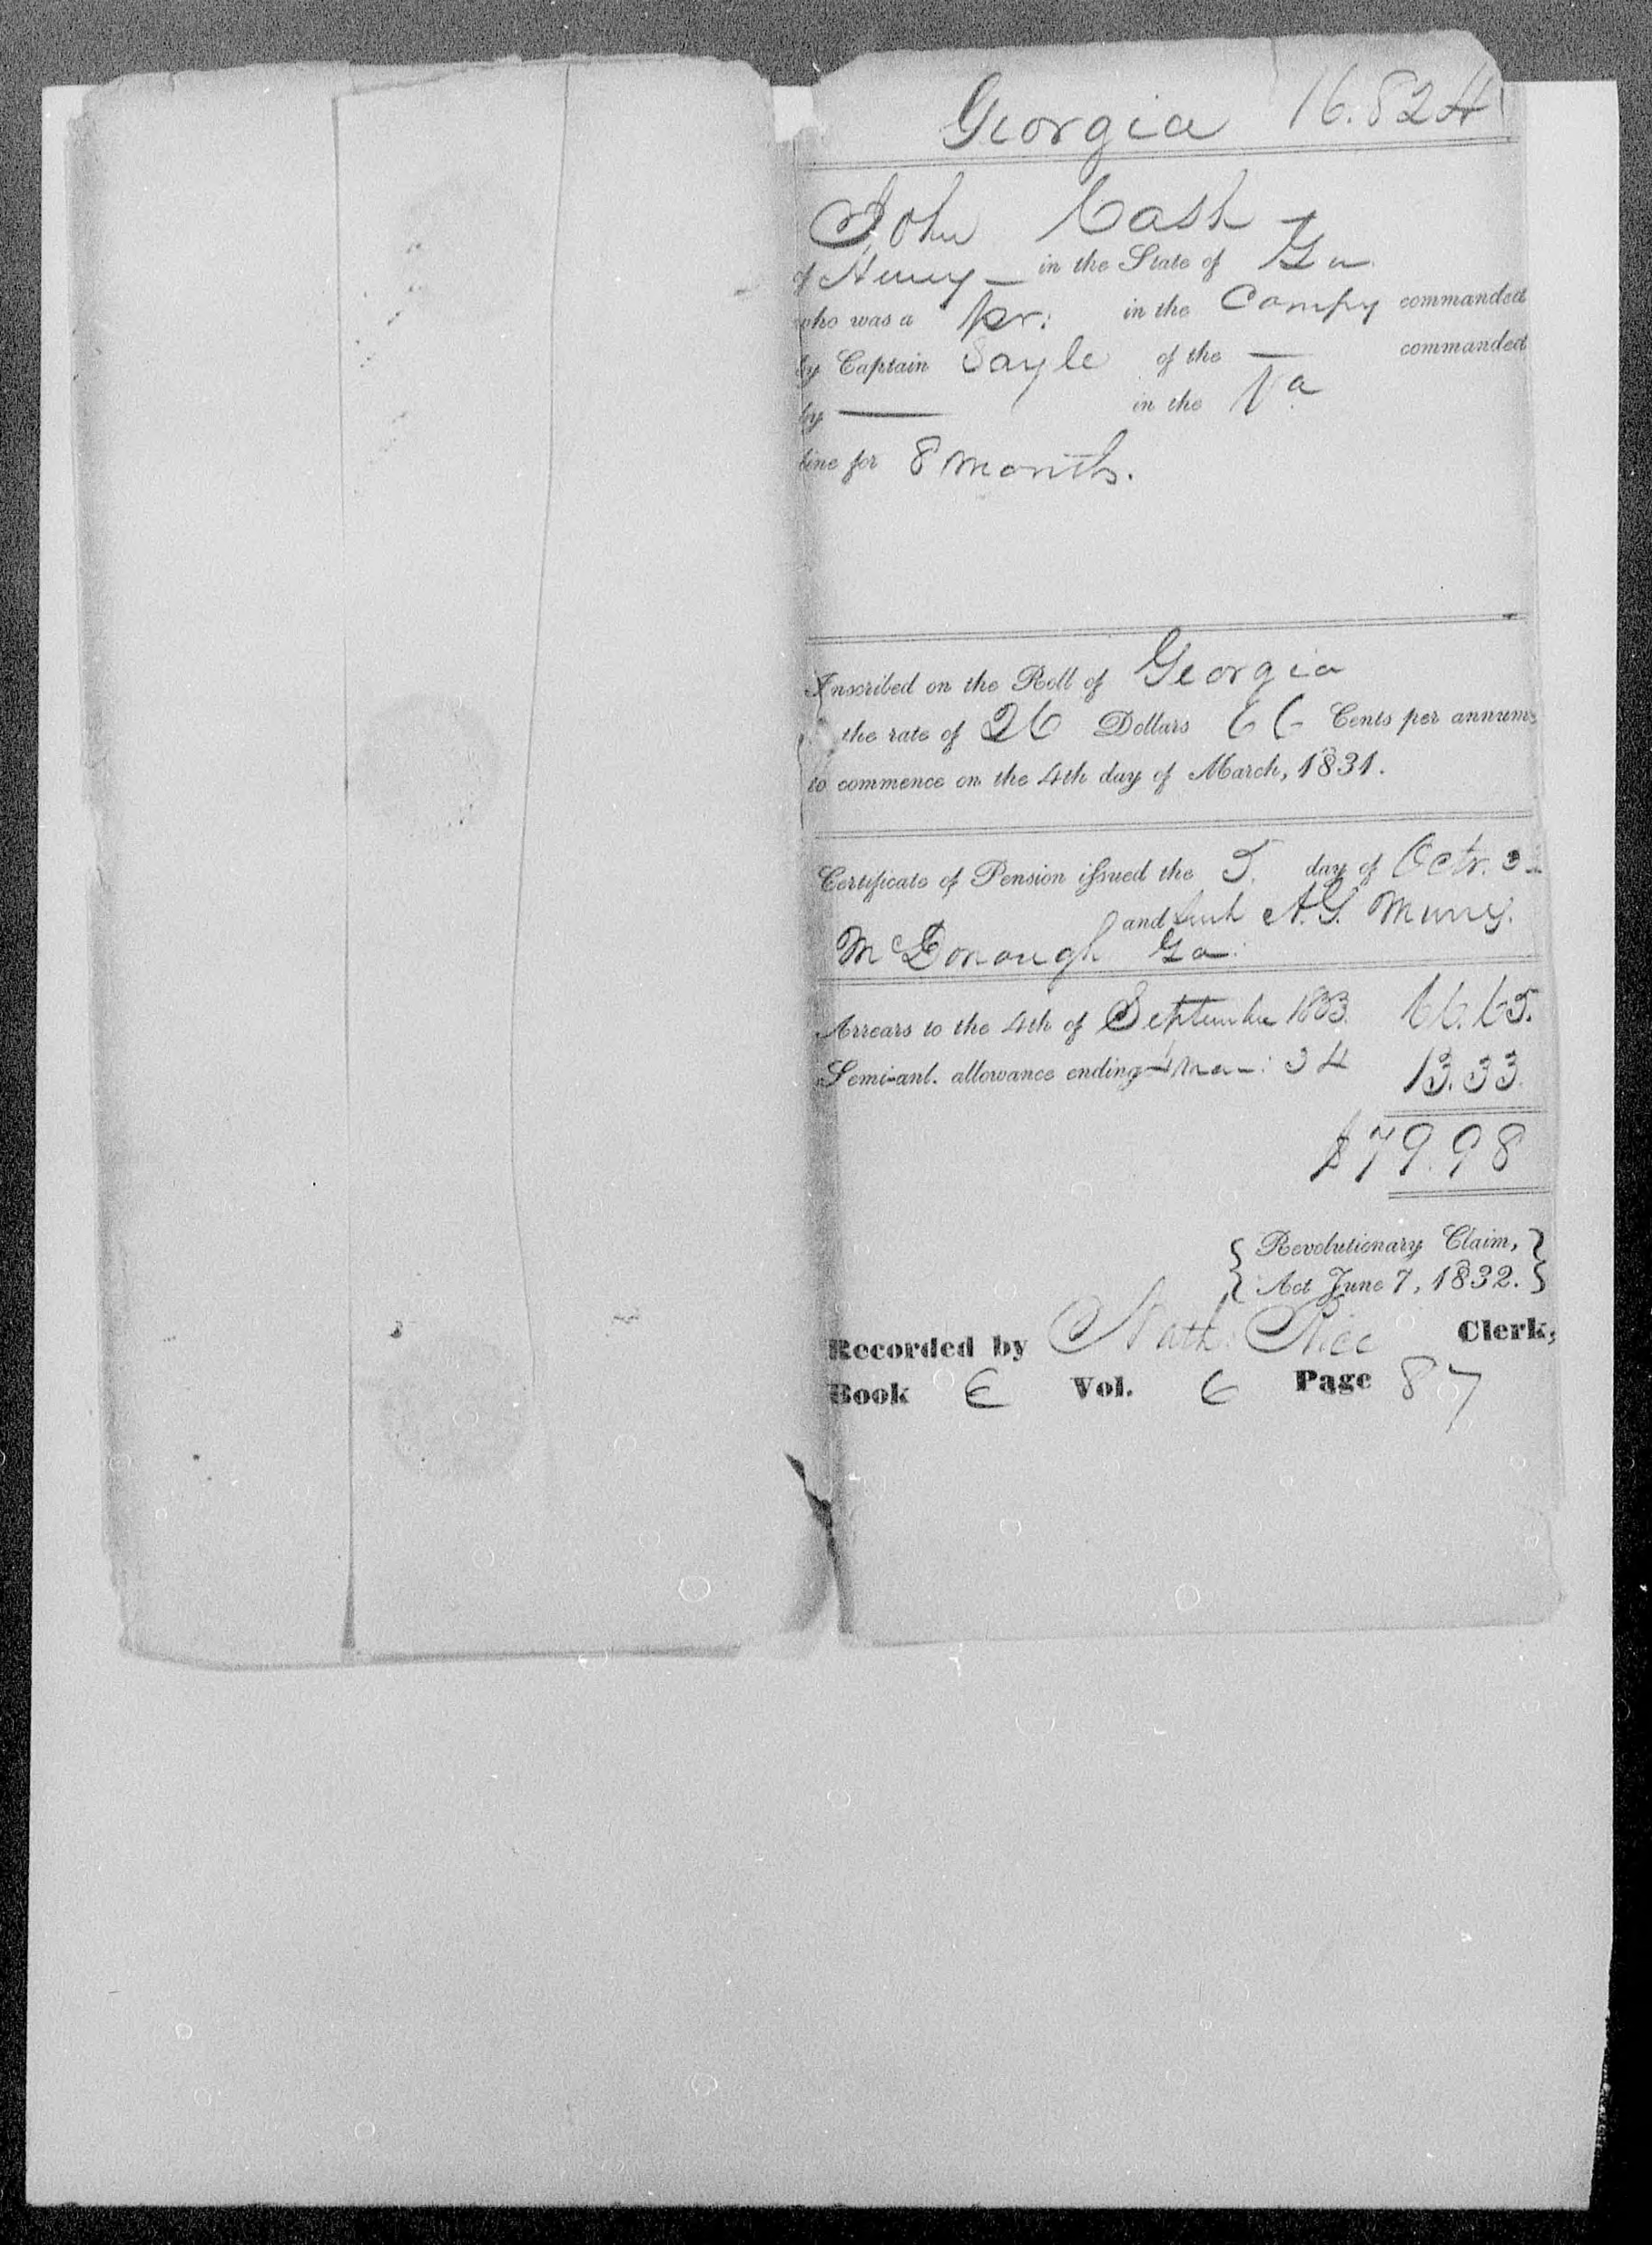Georgia                    16.824H
John Cash
County of Henry in the State of Mo
who was a private in the Company commanded by Captain Bayle of the
commanded ______ in the Va
line for 8 months.


Inscribed on the Roll of Georgia
the rate of 26 Dollars 66 Cents per annum to commence on the 4th day of March 1831.


Certificate of Pension issued the 3 day of Oct.. and sent A.G. Murry, 
McDonough Ga.


Arrears to the 4th of September 1833
                                               66.65.
Semi-anal. allowance ending 
March 1834
                                                13.33
                                             $  79.98

Revolutionary Claim, Act June 7, 1832
Recorded by Nath. Price, Clerk,
Book E  Vol.   6  Page 87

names: John Cash, A G Murry, Sayle, Nath Rice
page: 2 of 73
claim: widow's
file: W. 5,894, John Cash, Va.